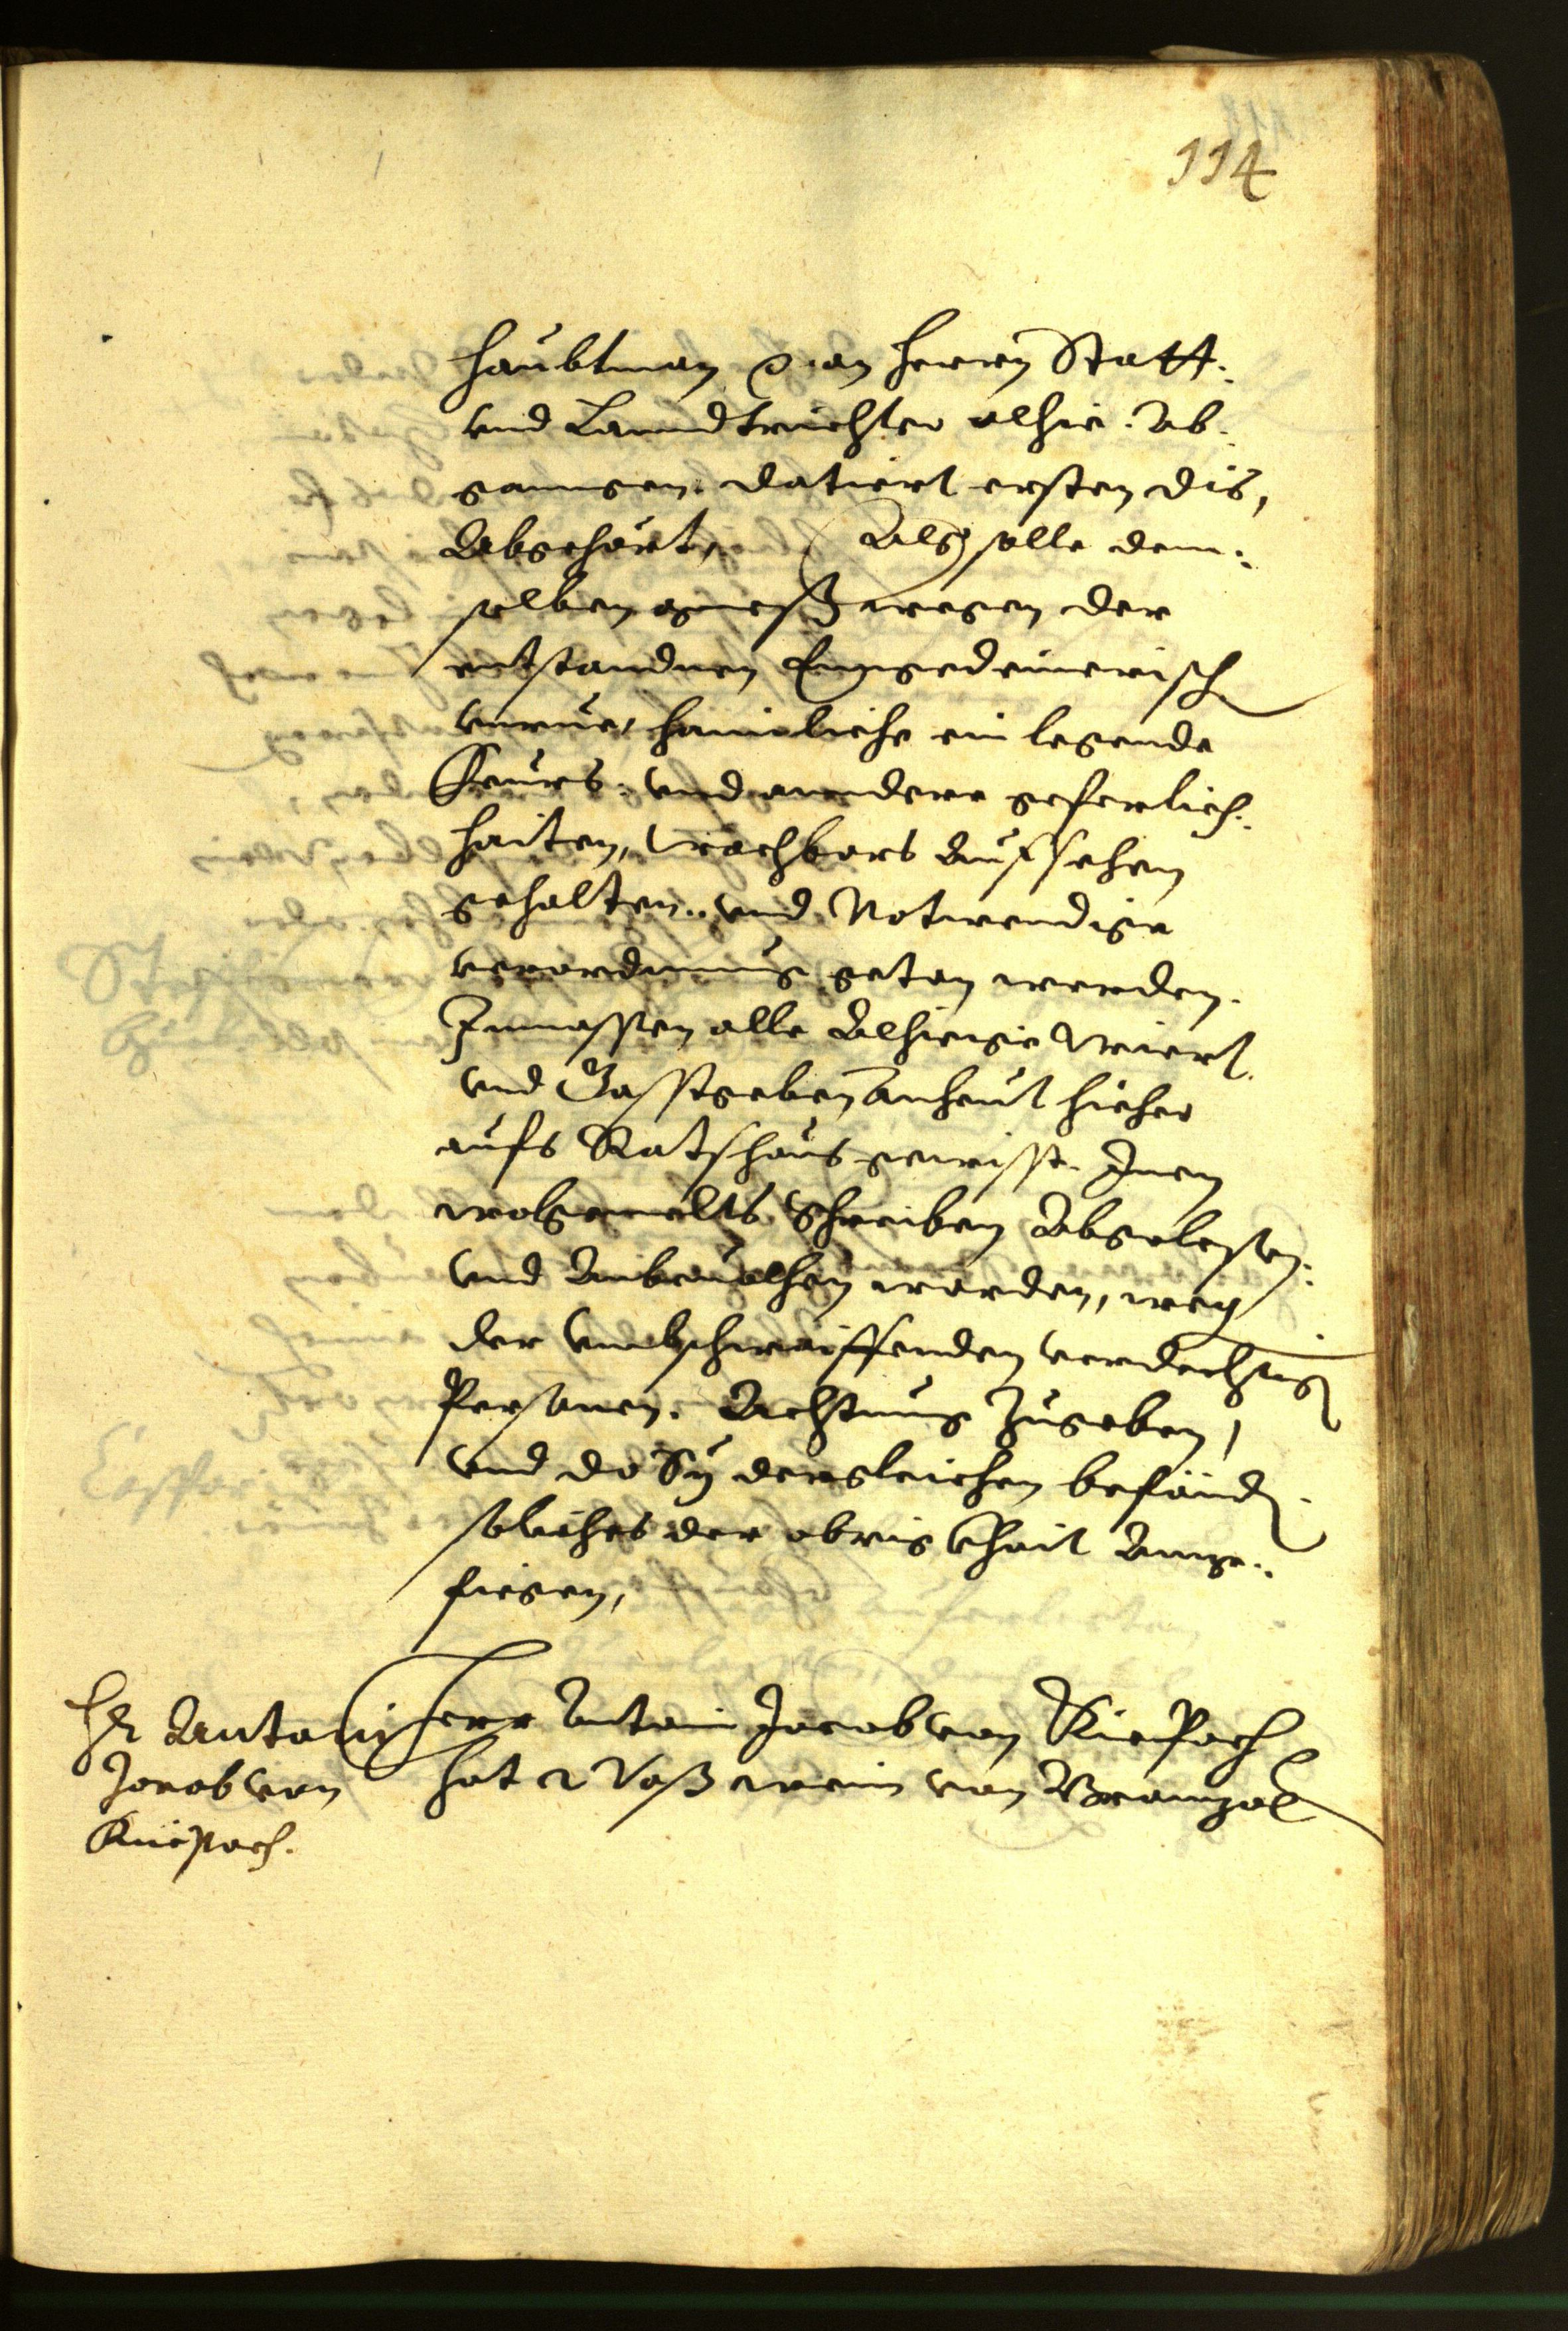114
haūbtman etc. herrn Statt¬
vnd Lanndtrichter alhie. Ab¬
ganngen. datiert ersten dis,
Abgehört, Als solle dem¬
selben gemeß wegen der
entstandnen Enngedeinerisch
vnrūe haimliche ein legende
Feūrs: vnd anndere geferlich¬
haiten, wachbars Aūfsehen
gehalten: vnd Notwendige
verordnūng getan werden.
Inmassen alle Alhieige Wiert
vnd Gasstgeben Anheūt hieher
aūfs Ratshaūs gewisst. Inen
wolgemelts Schreiben Abgelesen¬
vnd Ainbeūolhen worden, weg
der vmbschwaiffenden verdechtig
Personen. Achtūng Zūgeb,
vnd da Sȳ dergleichen befänd.
soliches der obrigkhait Anze¬
fiegen,
herr Antoni Jacob von KiePach etc
hat 2 Vaß wein von Branzol
hl Antoni
Jacob von
KüePach.